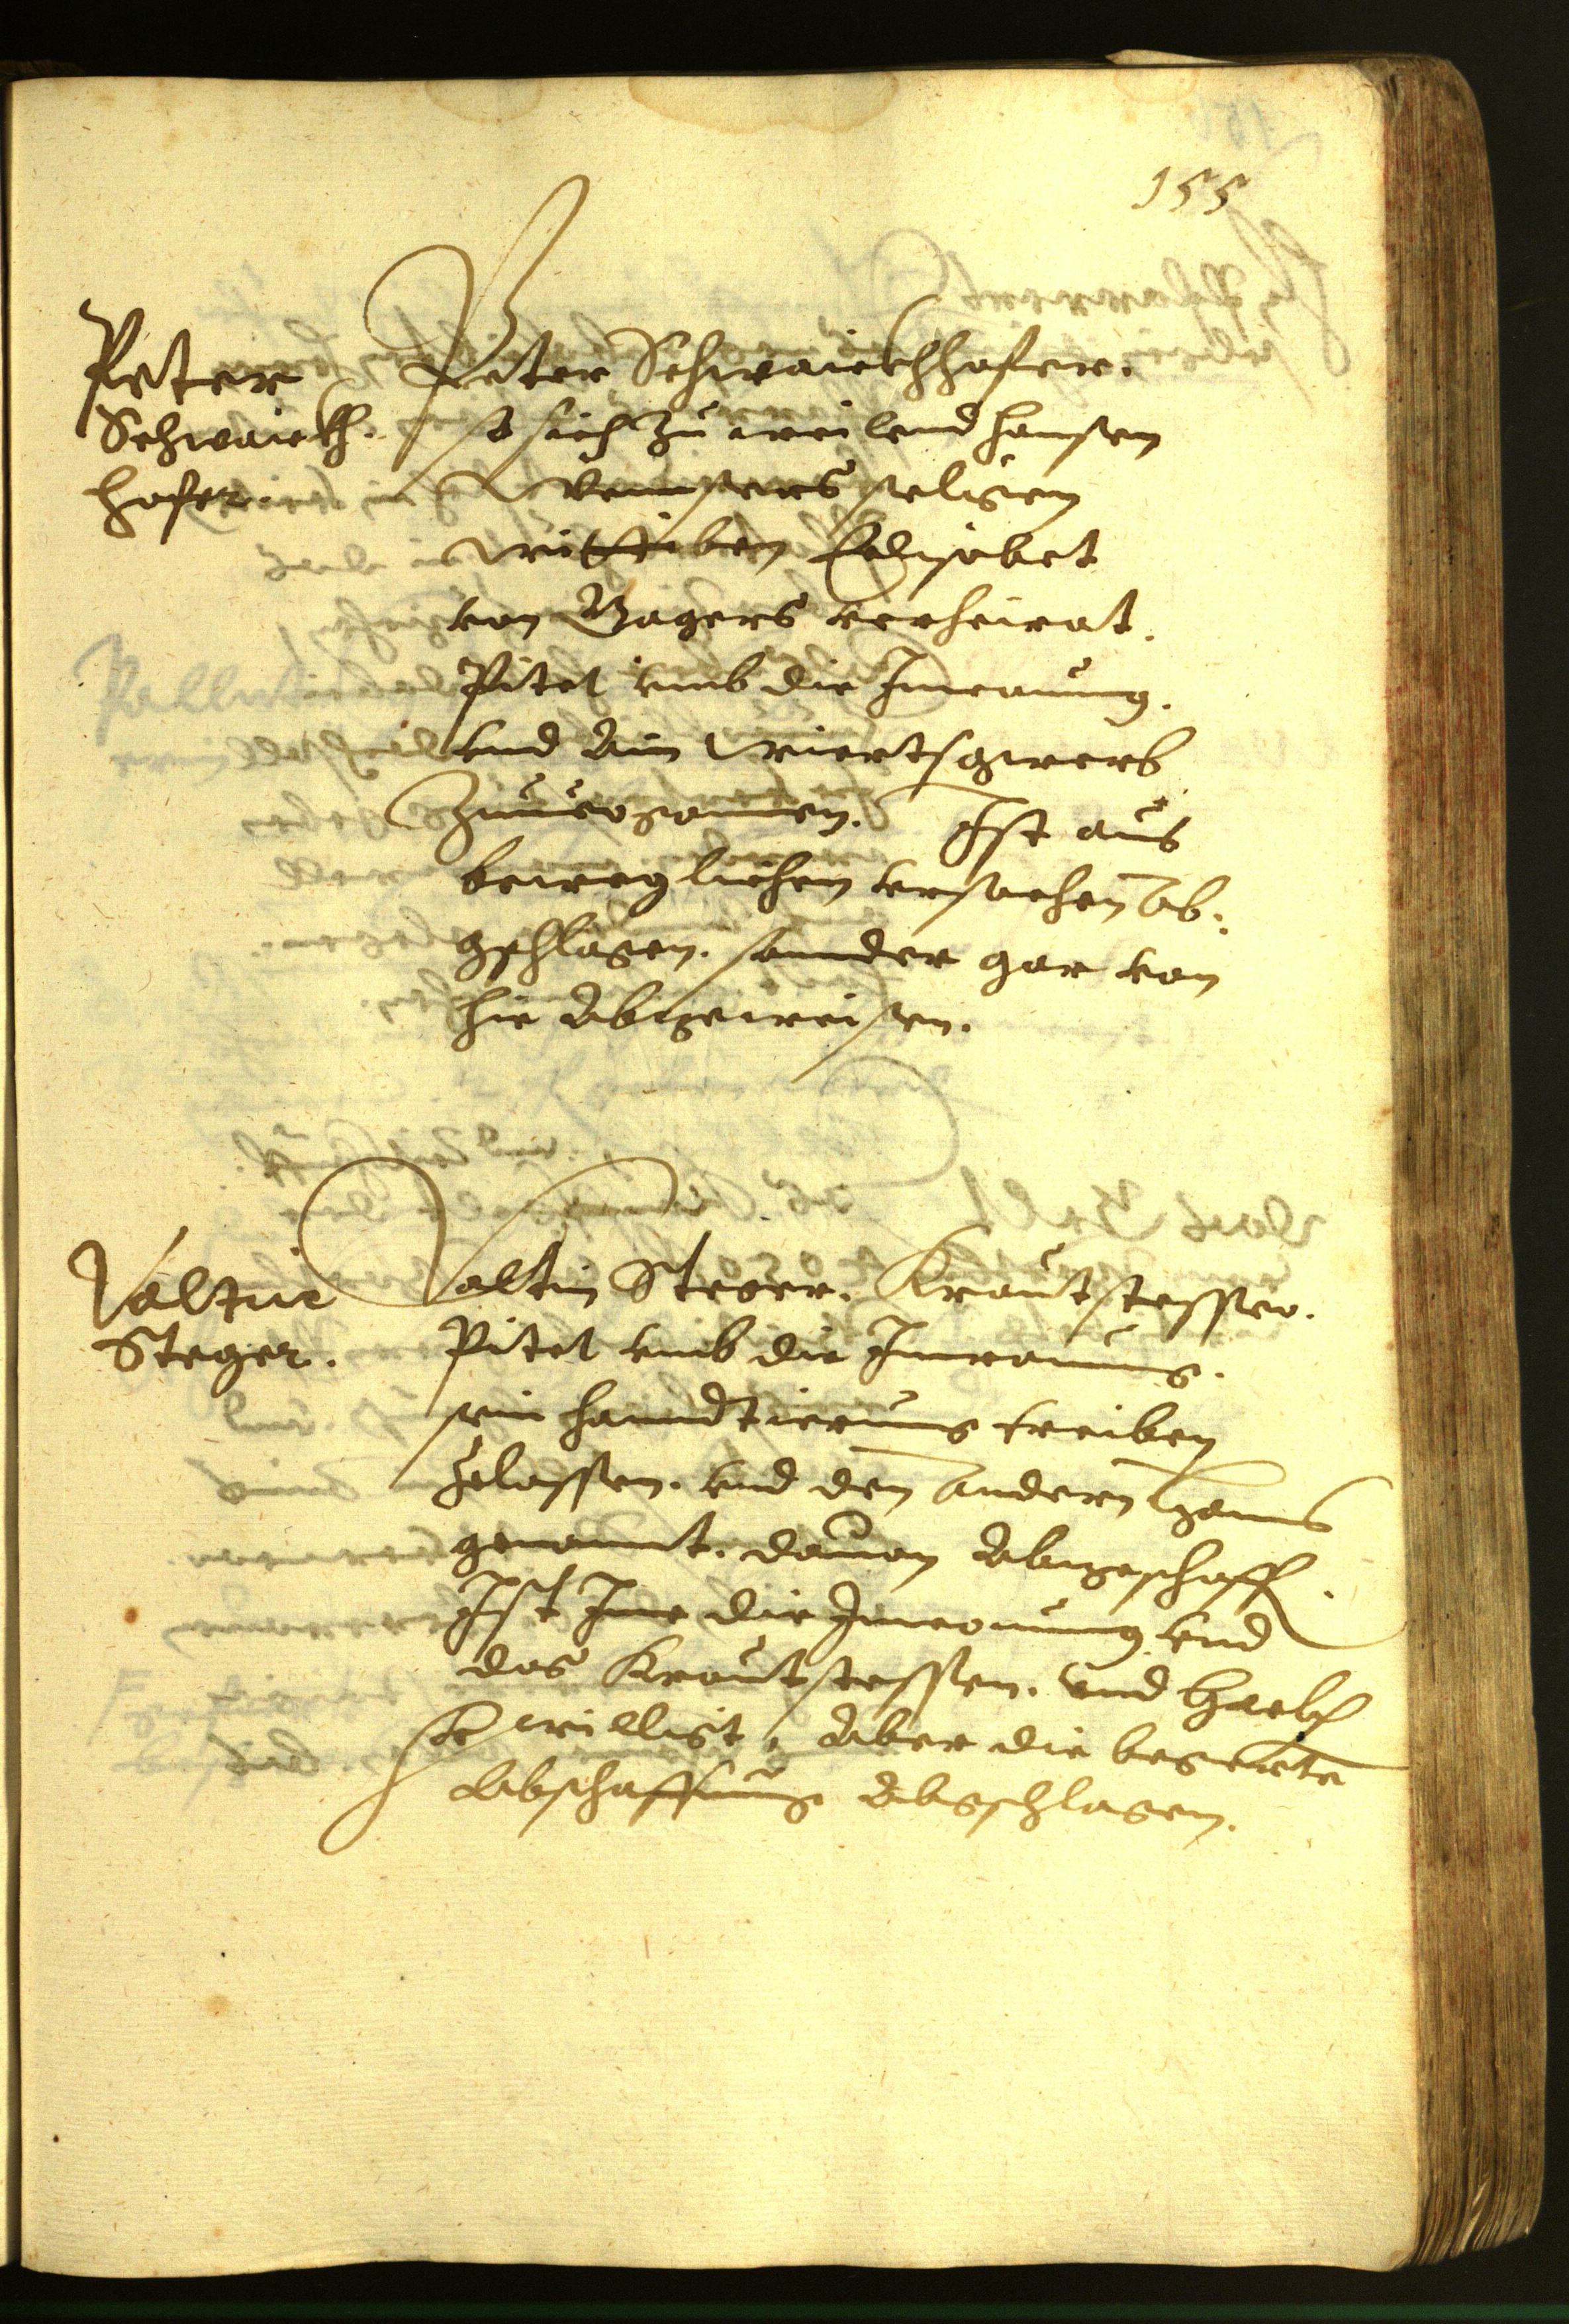155
Peter Schwaickhhofer.
so sich Zū weilend Hansen
Wennsers seligen
Wittiben Elisabet
von Gagers verheirat.
Pitet vmd die Inwonūng.
vnd Ain wiertsgwerb
Zūūergonnen. Ist aūs
beweglichen vrsachen Ab¬
gschlagen. sonnder gar von
hie Abzeweisen.
Peter
Schwaickh¬
hofer.
Valtin Steger. Kraūtstesser.
Pitet vmd die Inwonūng.
sein hanndtierūng treiben
Zelassen. vnd den Andern Hanns
genannt. davon Abzeschaff.
Ist Ime die Inwonūng vnd
das Kraūtstessen. vnd Hackh
gewilligt, Aber die begerte
Abschaffūng abgschlagen.
Valtin
Steger.